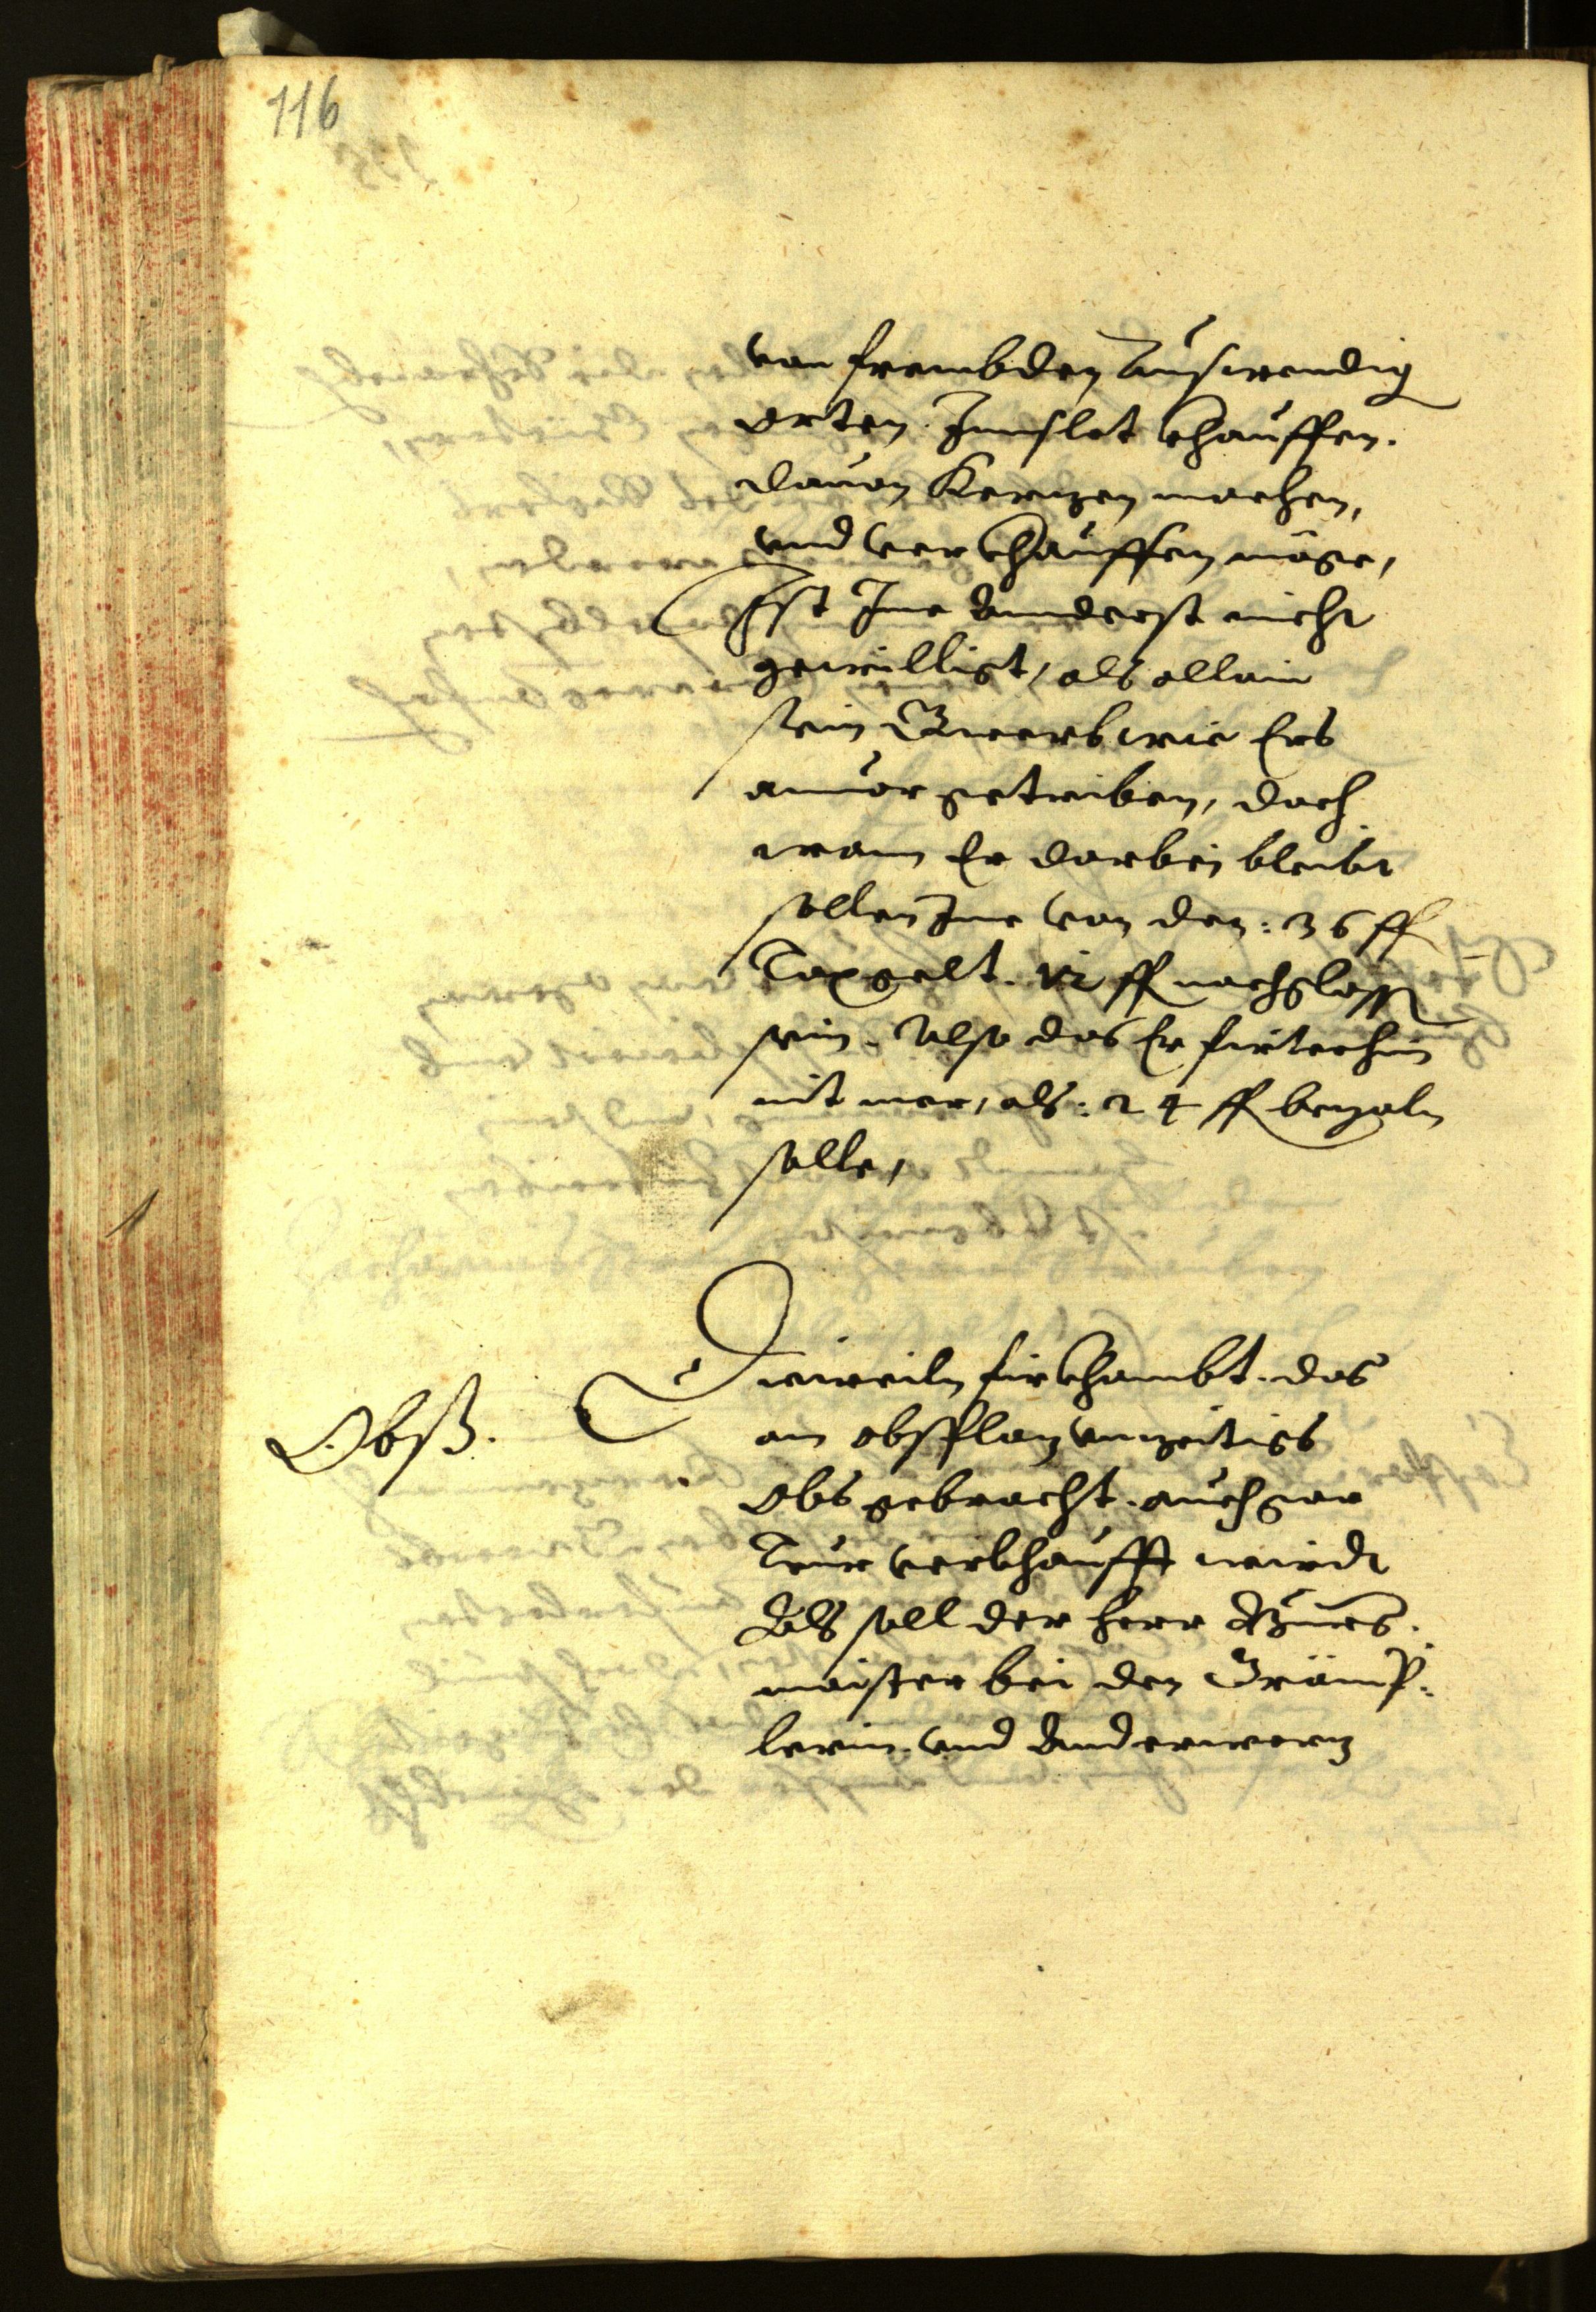116
von frembden Aūswendig
Orten Innslot khaūffen.
daūon Kerzen machen,
vnd verkhaūffen möge,
Ist Ime Annderst nicht
gewilligt, als allain
sein Gwerb wie Ers
anūor getriben, doch
wann Er darbei bleibt
sollen Ime von den: 36 fl
Taxgelt. 12 fl nachglass
sein. Also das Er firterhin
nit mer, als: 24 fl bezaln
solle,
Dieweiln firkhombt. das
an obsPlaz vnzeitigs
Obs gebracht. aūch gar
Teūr verkhaūfft wirdt
Als soll der herr Būrg¬
maister bei den GrämP¬
lerin. vnd Anderwerz
Obß.